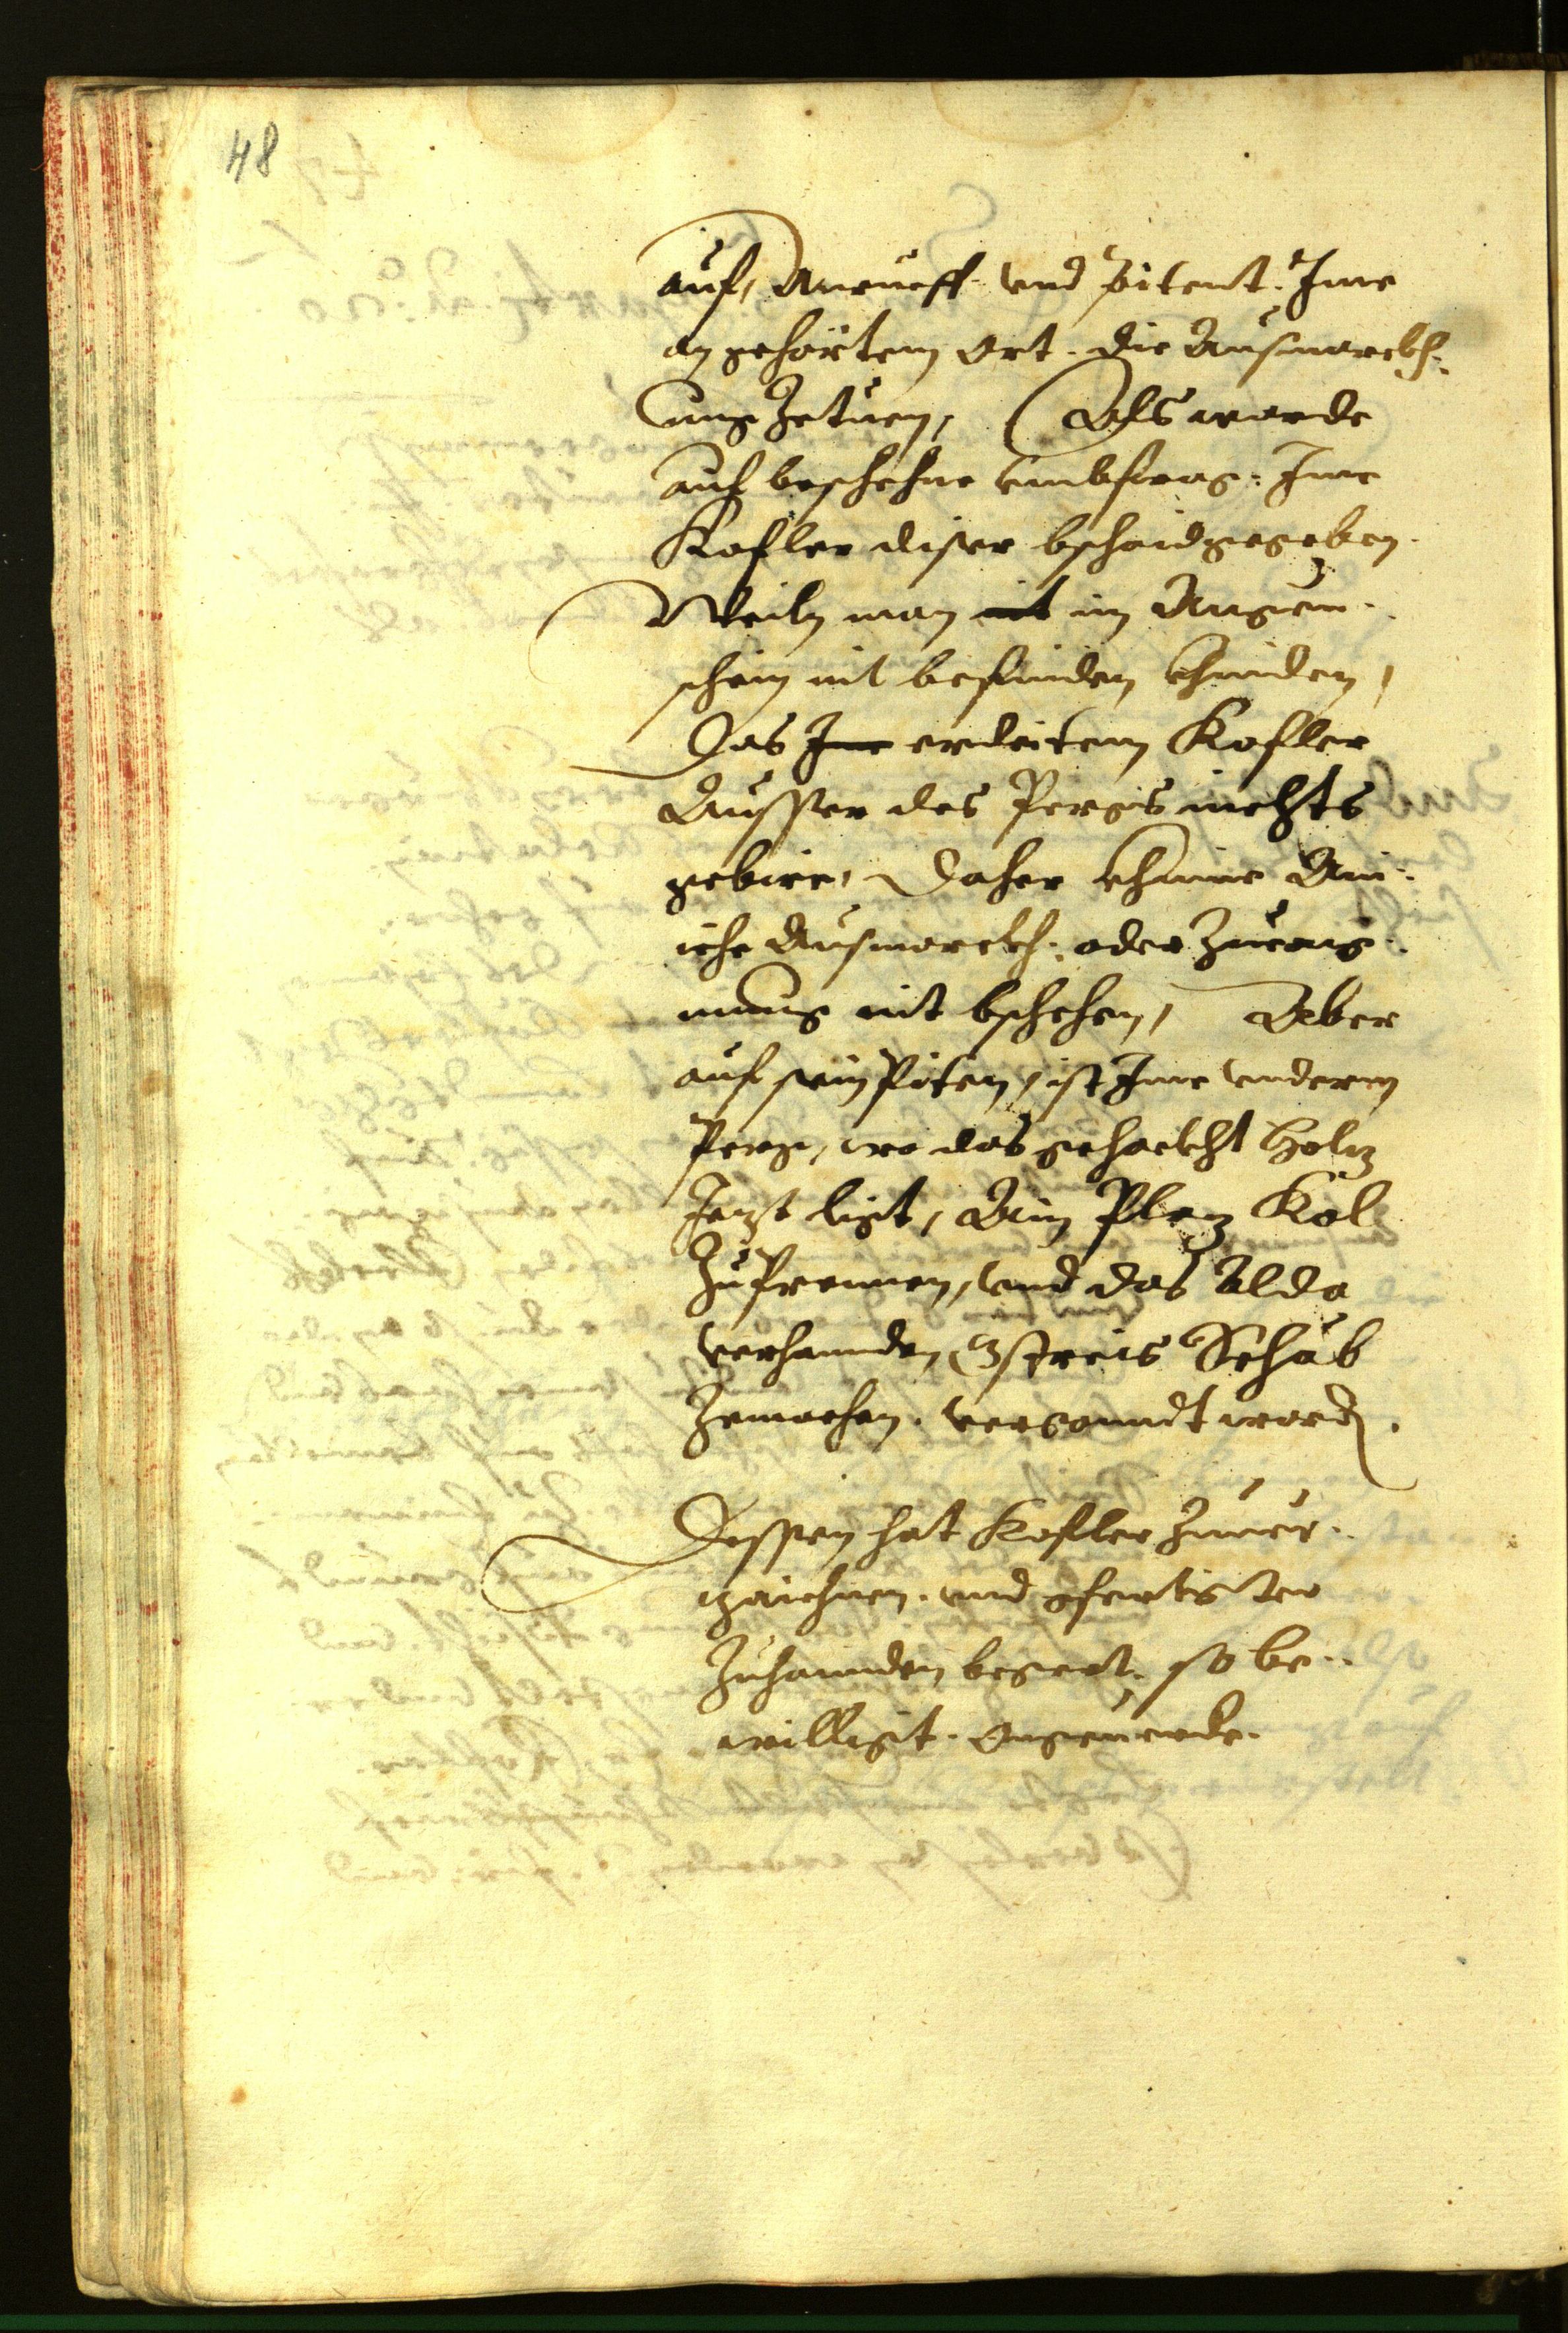48
aūf, Anrūeff vnd Pitent. Ime
an gehörtem Ort. die Aūsmarckh¬
ūng Zetūen, Als werde
aūf beschehen umbfrag. Ime
Kofler dieser bschaid gegeben.
Weiln man mit im Aūgen¬
schein nit befinden khinden,
das Ime erleitem Kofler
Aūsser des Pergis nichts
gebire, Daher khaine Ain¬
iche Aūsmarckh: oder Zūeaig¬
nūng nit beschehen, Aber
aūf sein Piten, ist Ime vnderm
Perg, wo das gehackht Holz
Jezt ligt, Ain Plaz Kol
Zū Prennen, vnd das Alda
verhannden Gstreig Schāb
Zemachen. vergonndt word.
Dessen hat Kofler Zūeuēr¬
zaichnen. vnd gfertigter
Zūhannden begert. so be¬
willigt. Ongeūerde.